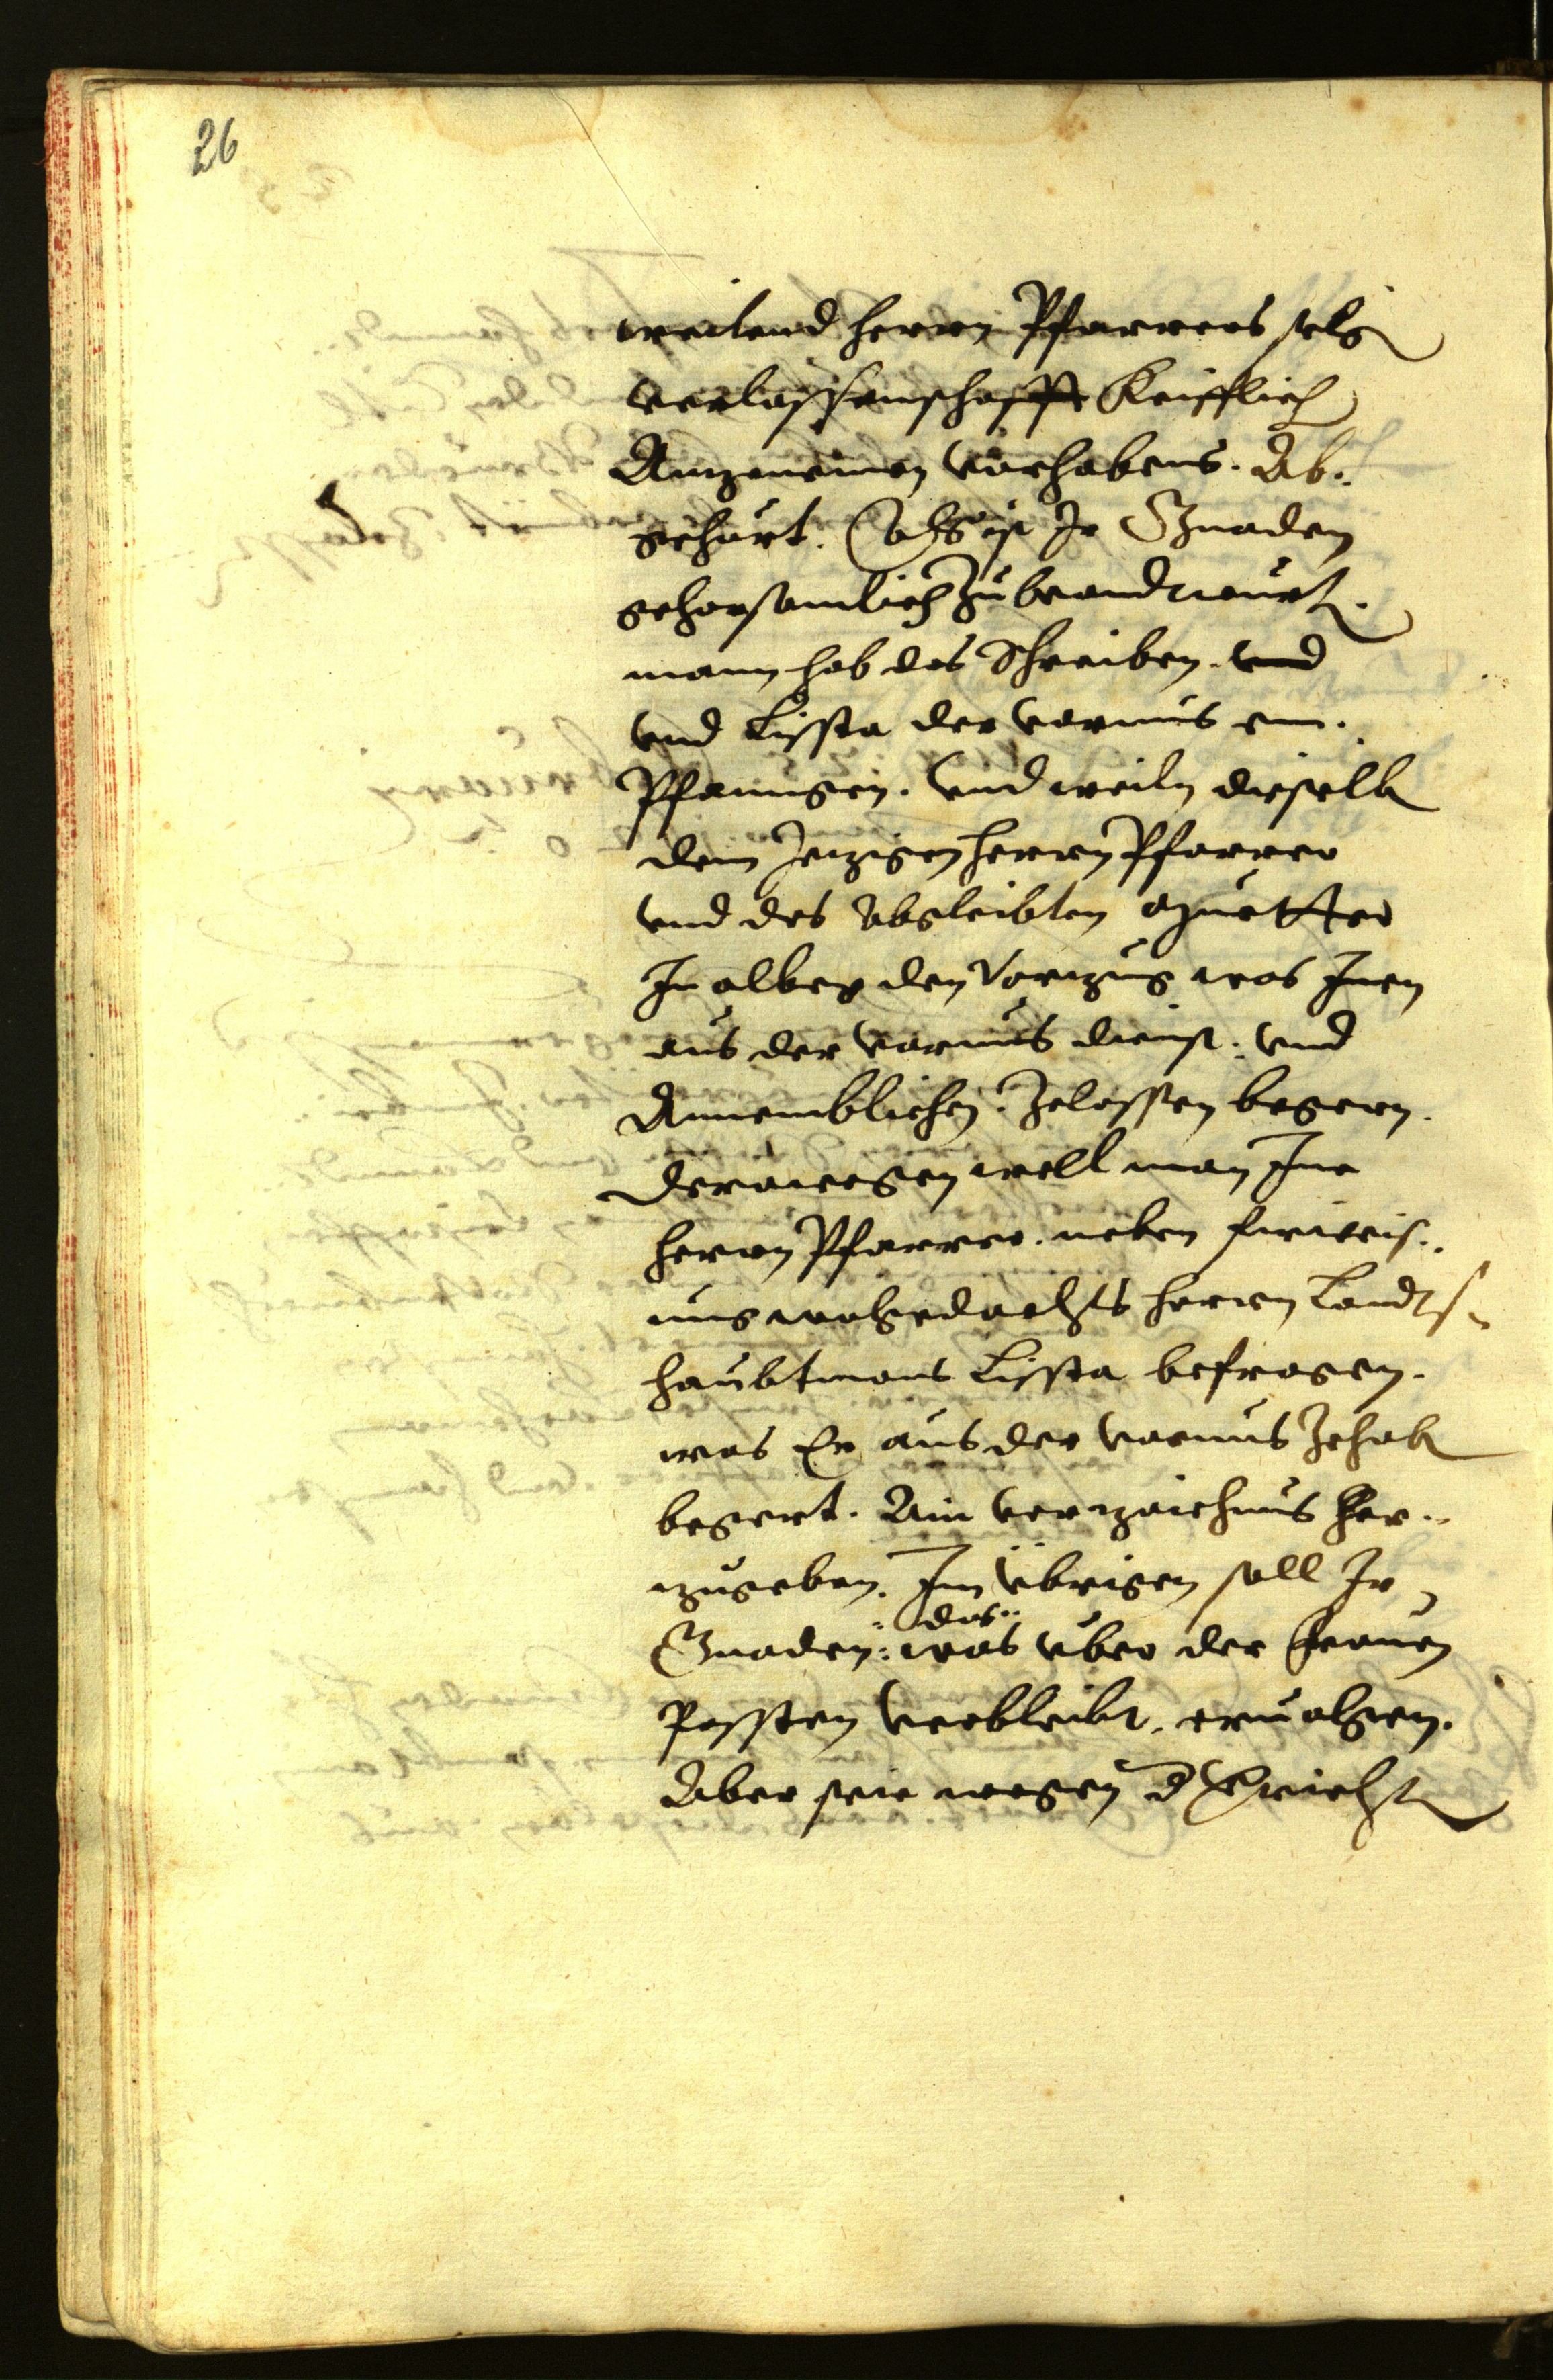26
weiland herrn Pfarrers selig
verlassenschafft Keifflich
Anzenemen vorhabens. Ab¬
gehōrt. Als ist Ir Gnaden
gehorsamlich Zū beandtwūrt.
mann hab das Schreiben. vnd
vnd Lissta der vermūg em¬
Pfanngen. vnd weiln dieselb
dem Jetzigen herrn Pfarrer
vnd des Abgleibten Mūetter
In alles den Vorzūg was Inen
aūs der vornūs dienst. vnd
Annemblichen. Zelassen begern.
derowegen well man Ime
herrn Pfarrer. neben firweis¬
ūng wolgedachts herrn Landts¬
haūbtmans Lissta befragen.
was Er aūs der vormūg Zehab
begert. Ain verzaichnūng her¬
zūgeben. Im v̈brigen soll Ir
:das:
Gnaden: was v̄ber der Fraūen
Possten verbleibt. erūolgen.
Aber seie wegen d vricht